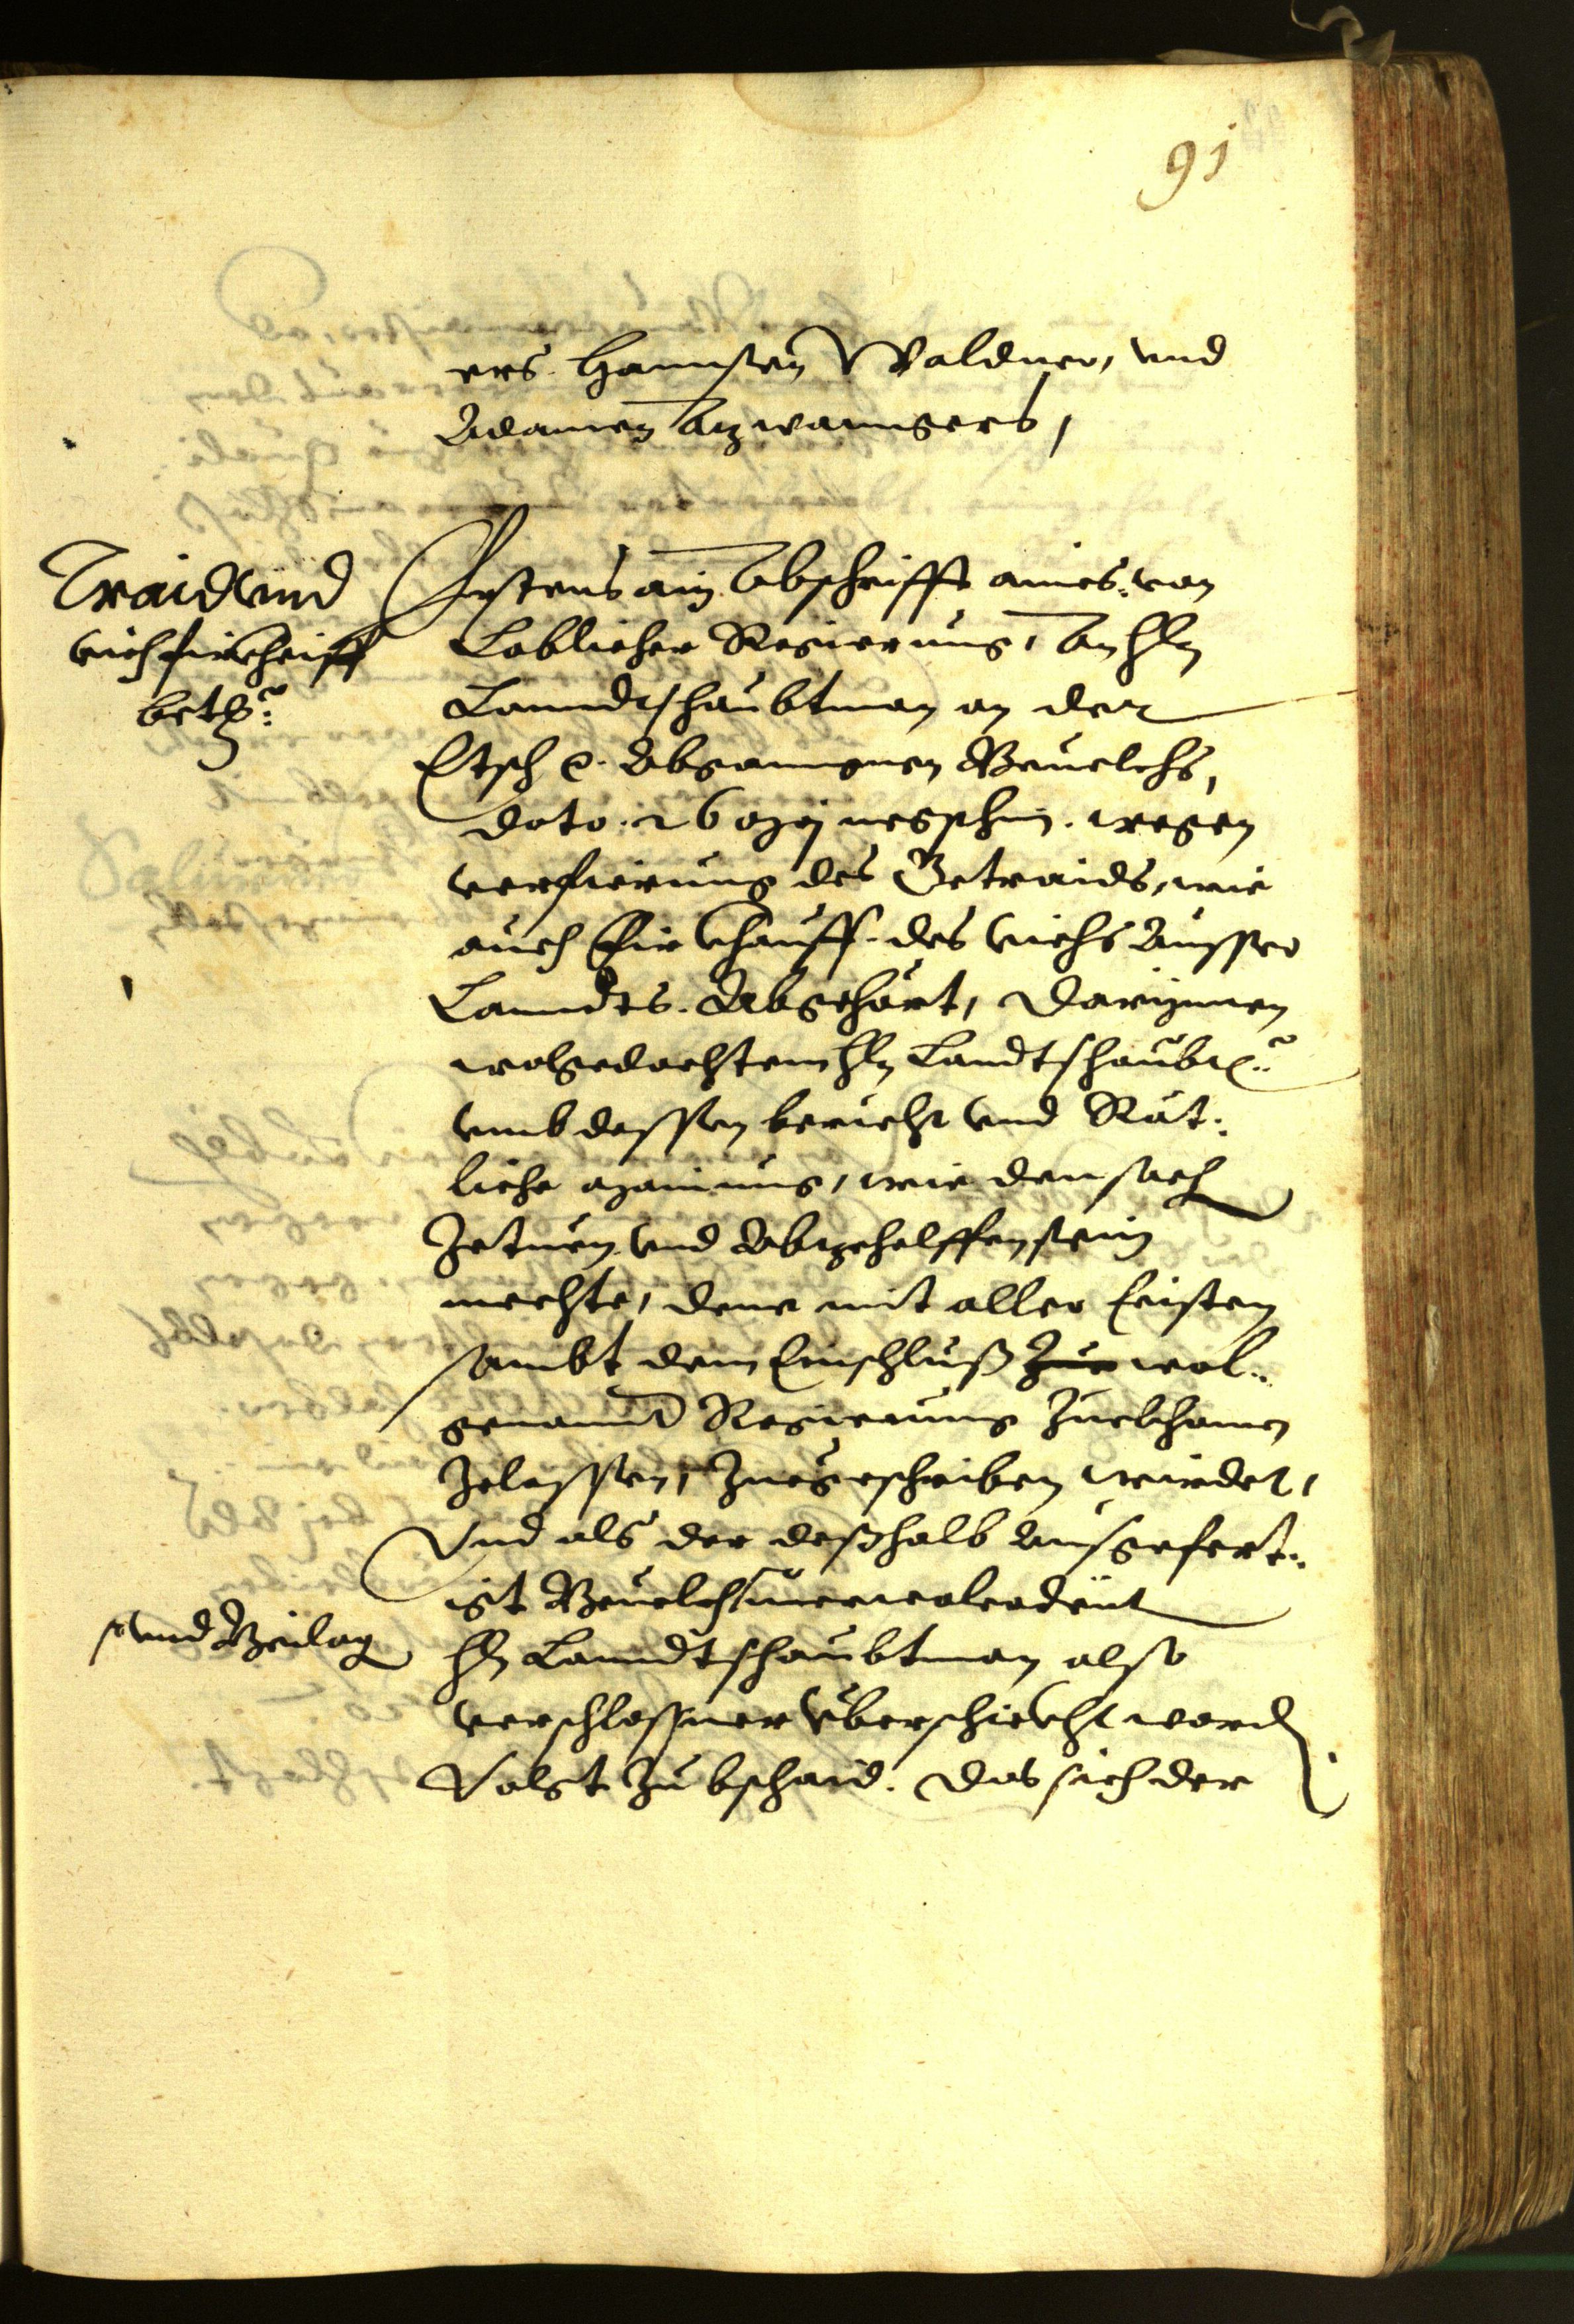91
ers. Hannsen Waldner, vnd
Adamen Azwanngers,
Erstens ain Abschrifft aines. von
Loblicher Regierūng, An hln
Lanndtshaūbtman an der
Etsch etc. Abganngnen Beūelchs,
dato .26 Maj negsthin. wegen
verfierūng des Getraids, wie
aūch Firkhaūff. des viehs Aūsser
Lanndts. Abgehōrt, darÿnnen
wolgedachtem hln Landtshaūbt:
umb dessen bericht vnd Rāt¬
liche Mainūng, wie den sach
Zetūen vnd Abzehelffen sein
mechte, deme mit aller Eeisten
sambt dem Einschlūß Zūe wol¬
genannt Regierūng Zūekhomen
Zelassen, Zūegeschriben wirdet,
Vnd als der deßhalb Aūsgefert¬
igt Beūelch merwoleodeüt
hln Lanndtshaūbtman also
verschlossner v̄berschickht word.
Volgt Zū bschaid. das sich der
Traid vnd
vieh firkhaūff
bet:
vnd Beilag